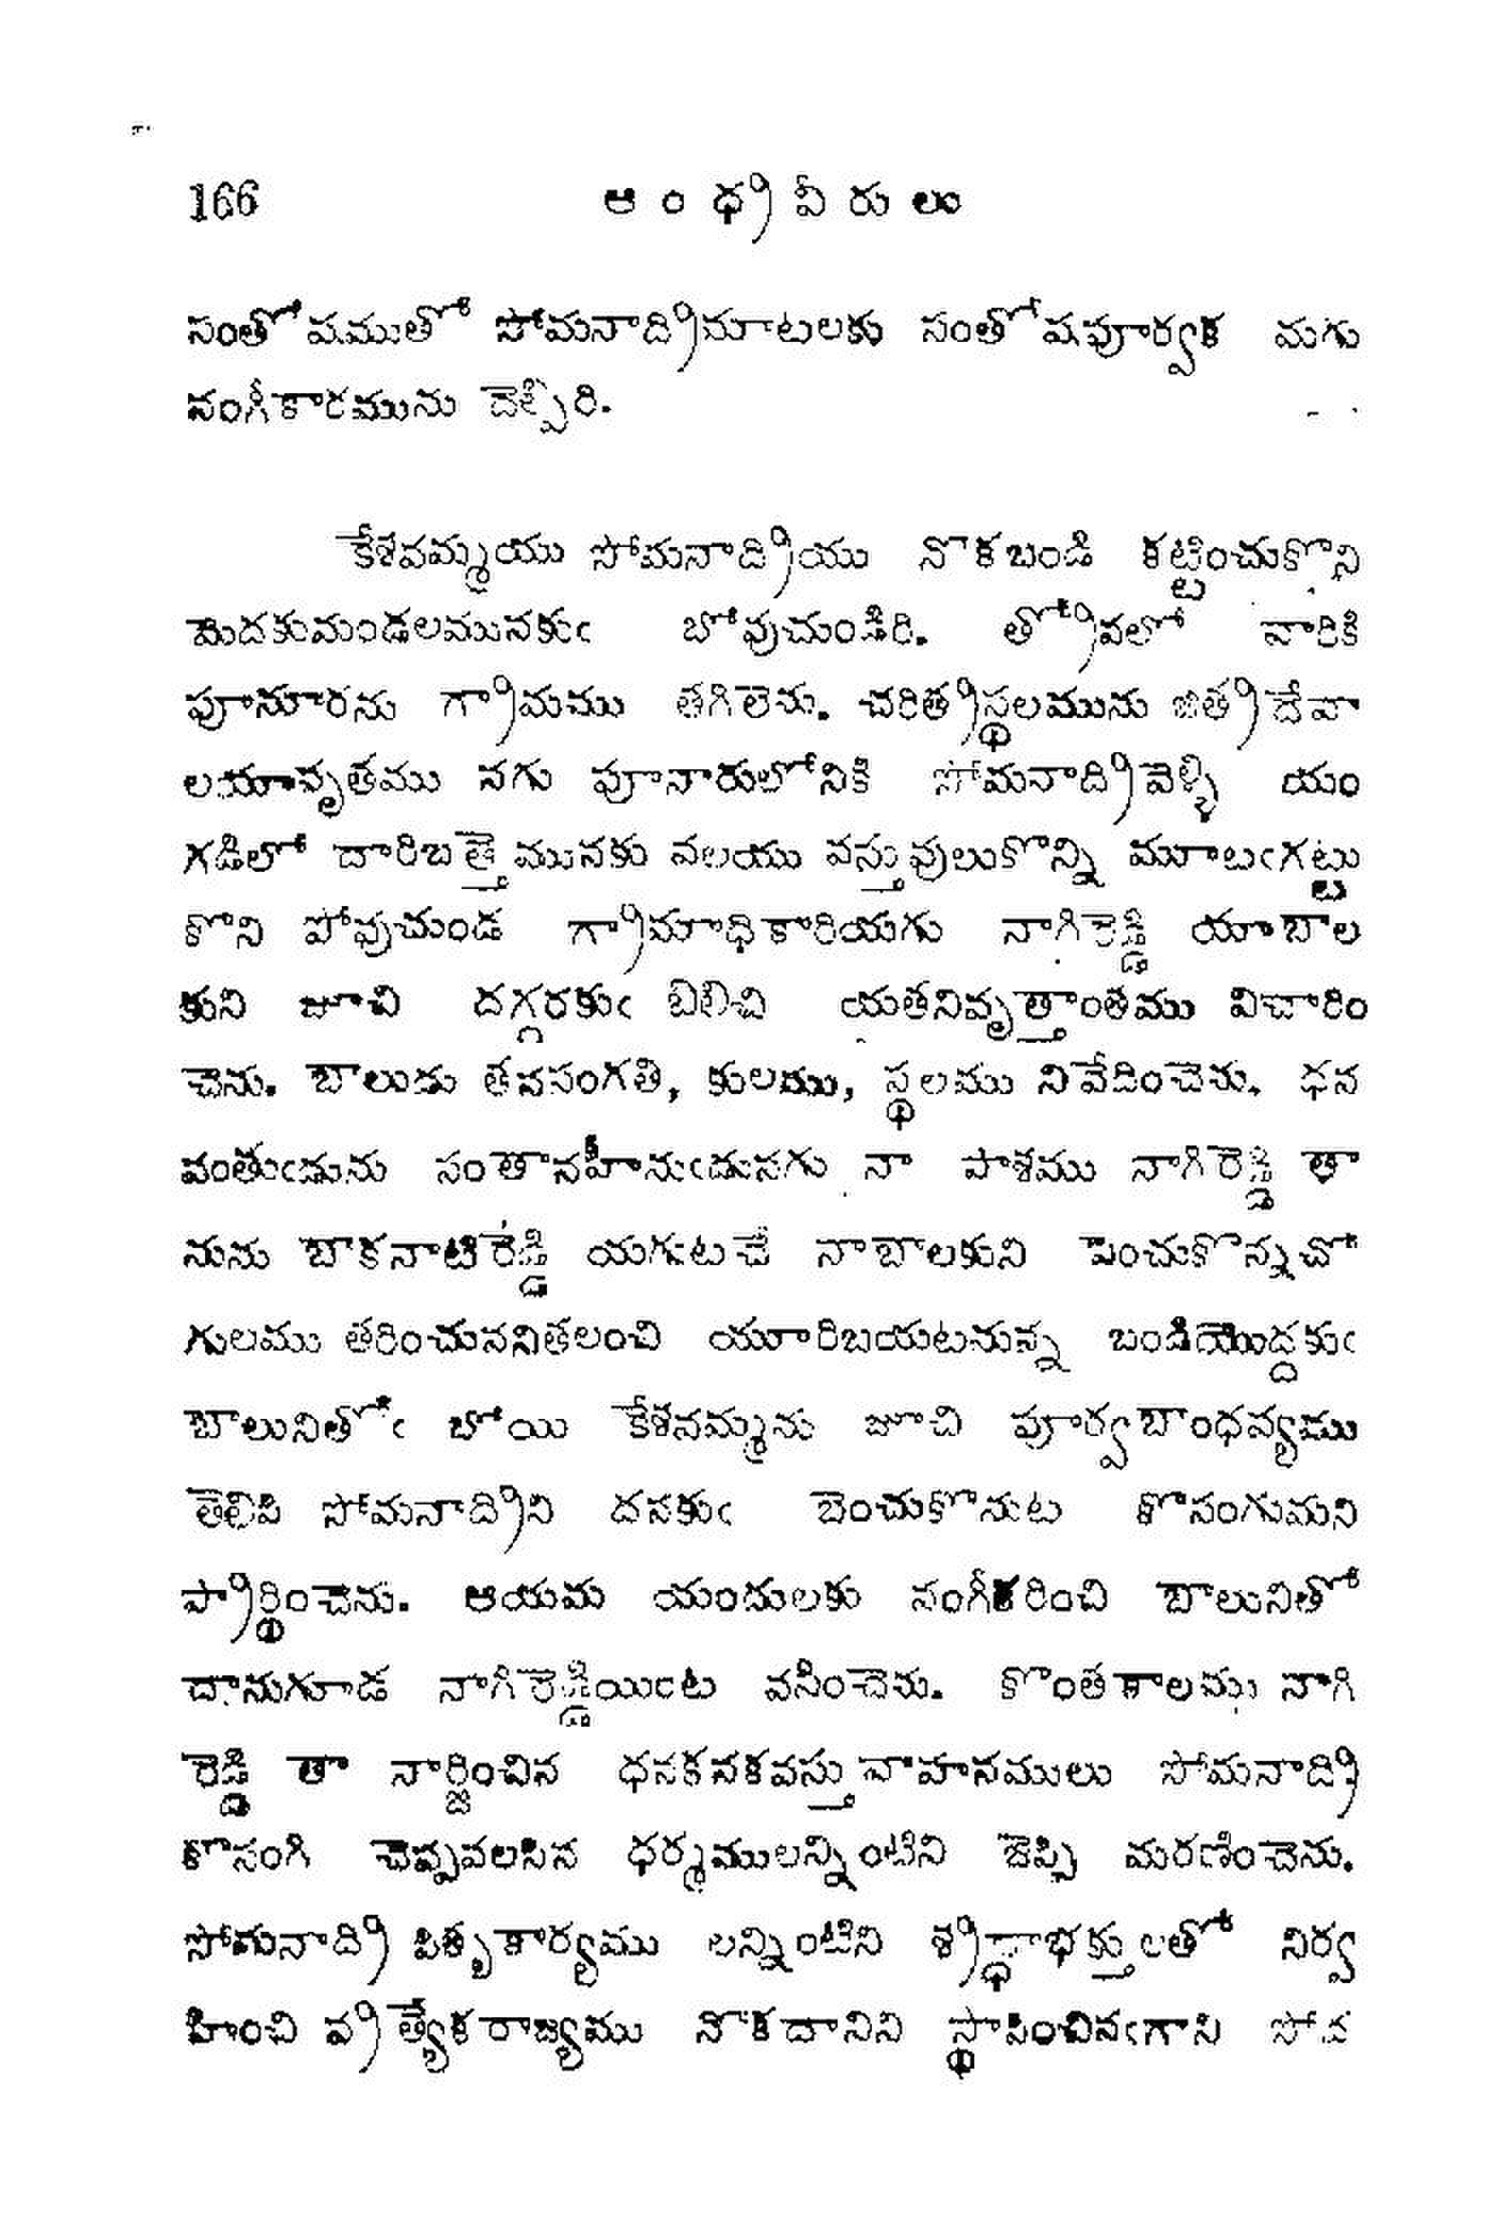సంతోషముతో సోమానాద్రిమాటలకు సంతోషపూర్వక మగు నంగీకారమును దెల్పిరి.

కేశవమ్మయు సోమనాద్రియు నొకబండి కట్టించుకొని మెదకు మండలమునకు బోవుచుండిరి. త్రోవలో వారికి పూనూరను గ్రామము తగిలెను. చరిత్రస్థలమును జిత్రదేవాలయావృతము నగు పూనూరులోనికి సోమనాద్రివెళ్ళి యంగడిలో దారిబత్తెమునకు వలయు వస్తువులుకొన్ని మూటగట్టుకొని పోవుచుండ గ్రామాధికారియగు నాగిరెడ్డి యాబాలకుని జూచి దగ్గరకు బిలిచి యతనివృత్తాంతము విచారించెను. బాలుడు తనసంగతి, కులము, స్థలము నివేదించెను. ధనవంతుడును సంతానహీనుడునగు నా పాశము నాగిరెడ్డి తానును బాకనాటిరెడ్డి యగుటచే నాబాలకుని పెంచుకొన్నచో గులము తరించుననితలంచి యూరి బయటనున్న బండియొద్దకు బాలునితో బోయి కేశవమ్మను జూచి పూర్వబాంధవ్యము తెలిపి సోమనాద్రిని దనకు బెంచుకొనుట కొసంగుమని ప్రార్థించెను. ఆయమ యందులకు నంగీకరించి బాలునితో దానుగూడ నాగిరెడ్డియింట వసించెను. కొంతకాలము నాగిరెడ్డి తా నార్జించిన ధనకనకవస్తు వాహనములు సోమనాద్రి కొసంగి చెప్పవలసిన ధర్మములన్నింటిని జెప్పి మరణించెను. సోమనాద్రి పితృకార్యము లన్నింటిని శ్రద్ధాభక్తులతో నిర్వహించి ప్రత్యేకరాజ్యము నొకదానిని స్థాపించినగాని సోద